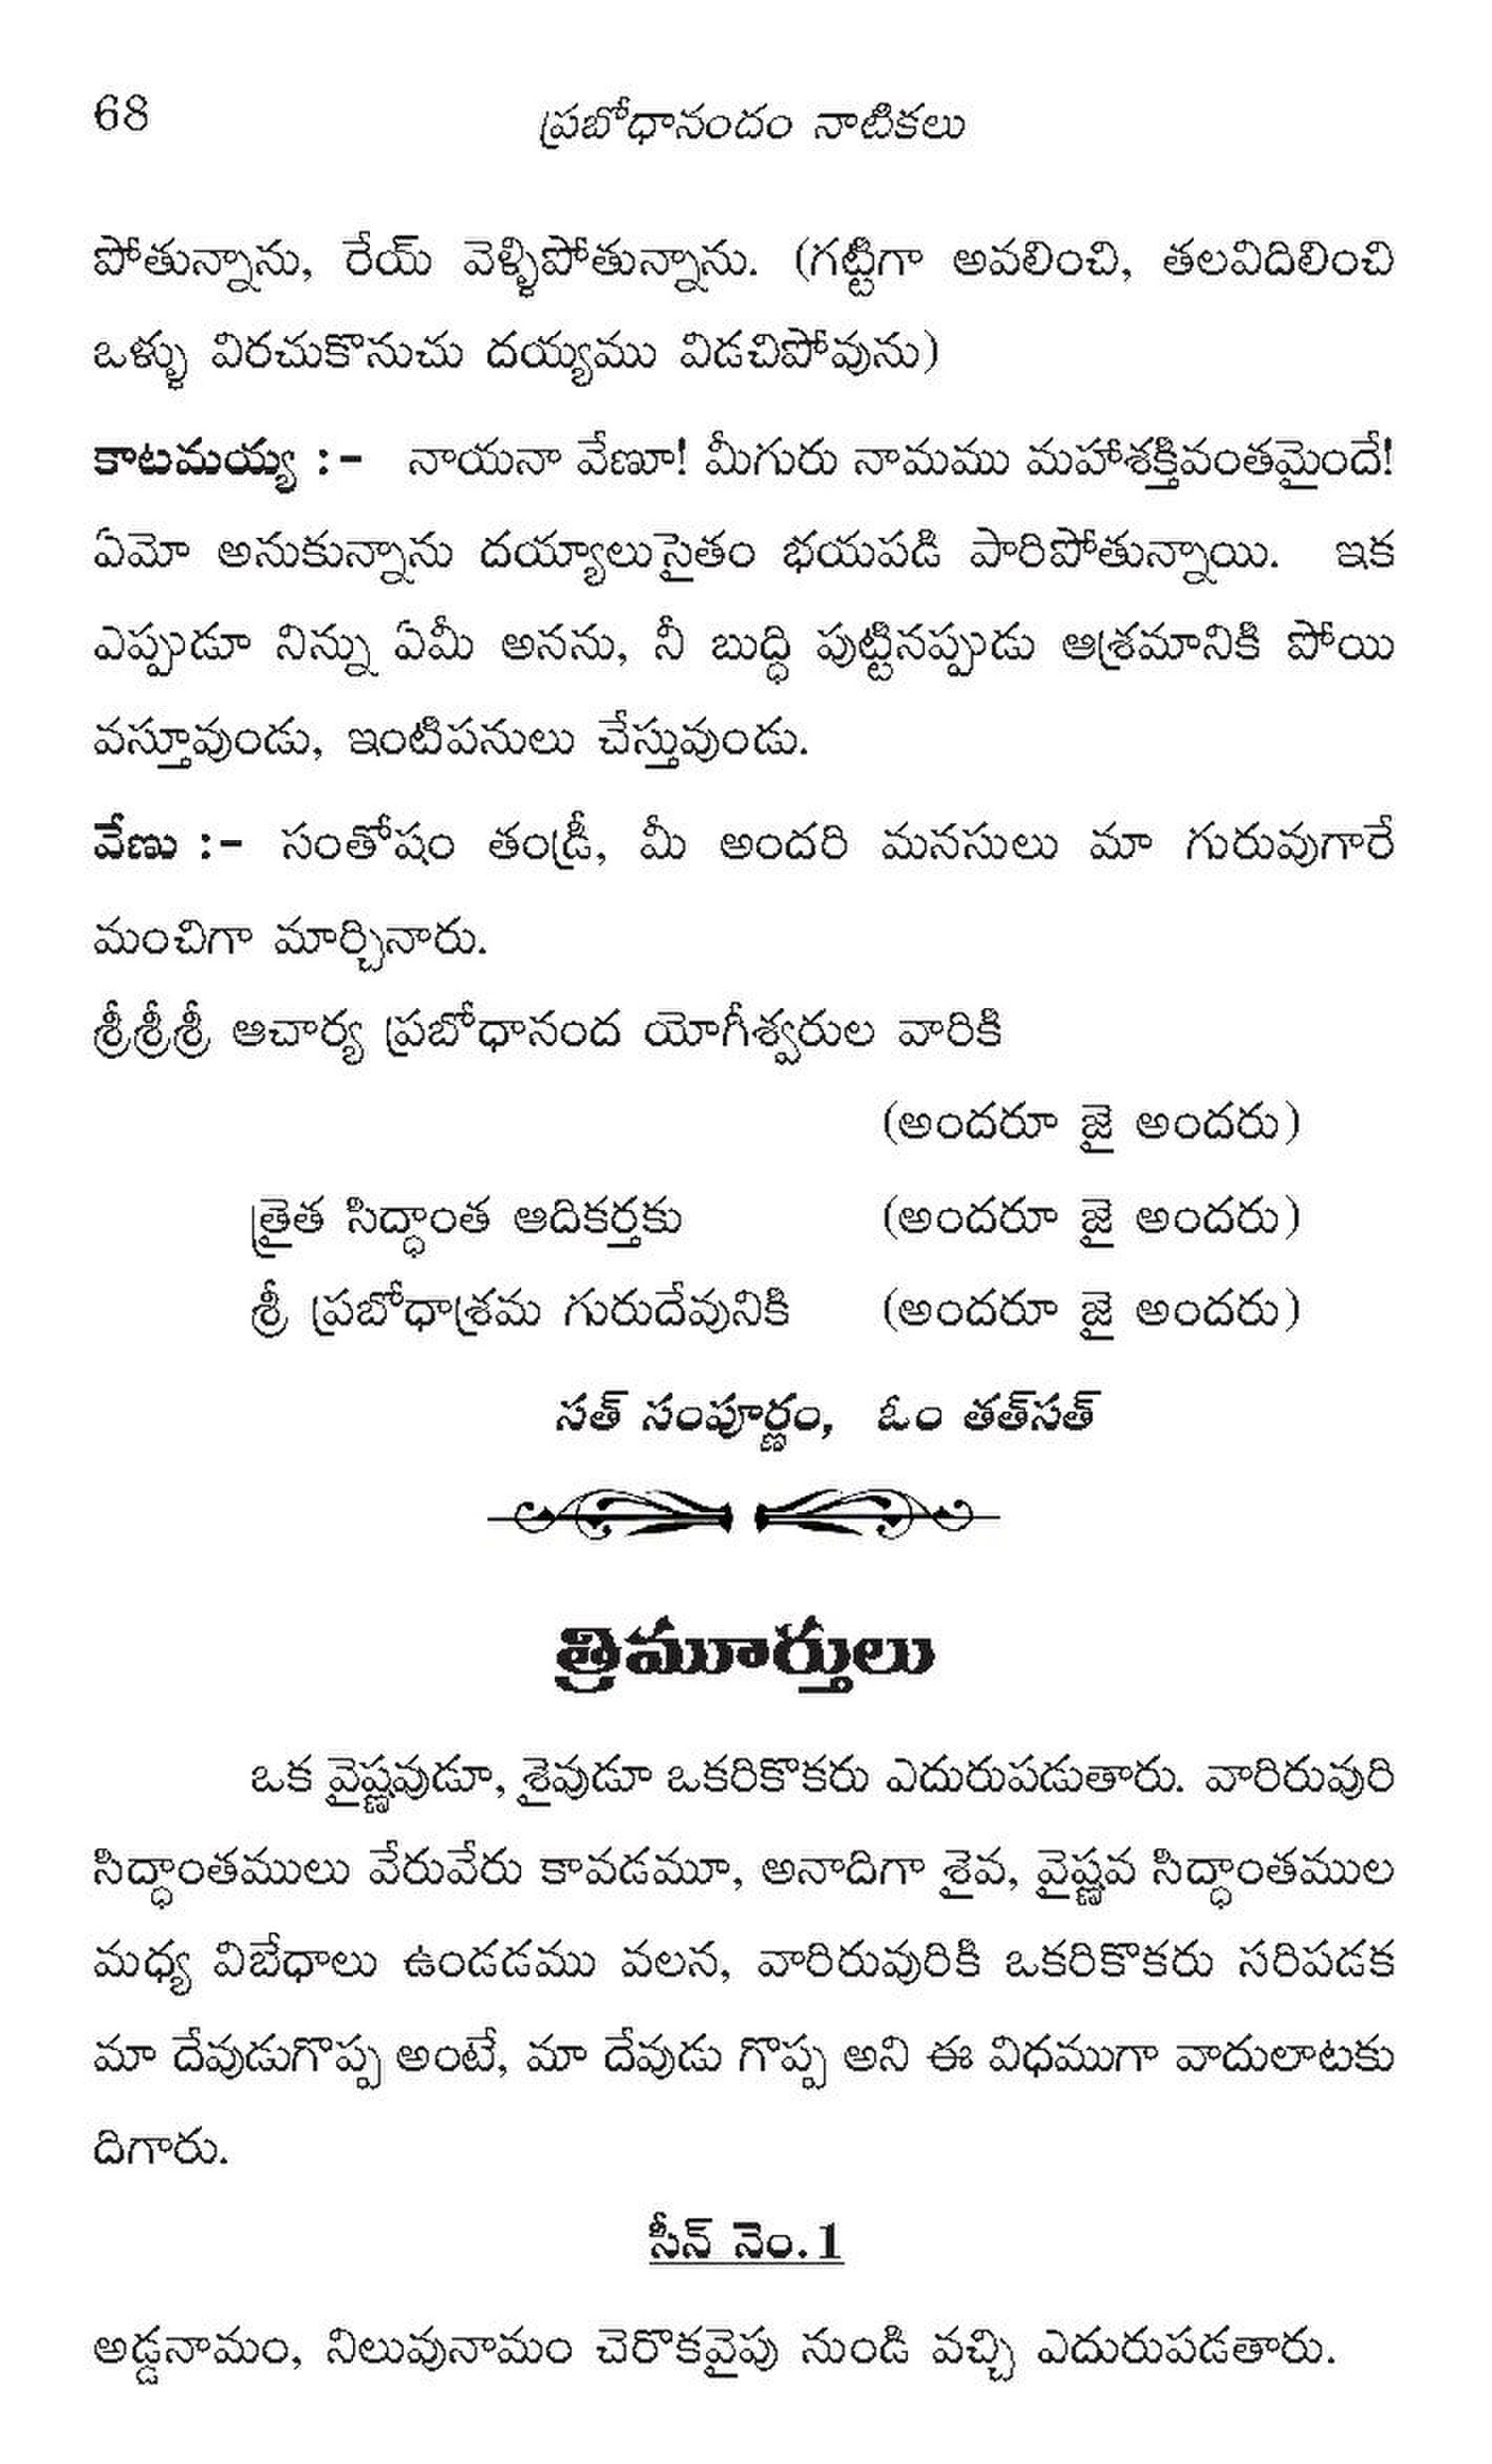పోతున్నాను, రేయ్‌ వెళ్ళిపోతున్నాను. (గట్టిగా అవలించి, తలవిదిలించి ఒళ్ళు విరచుకొనుచు దయ్యము విడచిపోవును)

కాటమయ్య :-	నాయనా వేణూ! మీగురు నామము మహాశక్తివంతమైందే! ఏమో అనుకున్నాను దయ్యాలుసైతం భయపడి పారిపోతున్నాయి. ఇక ఎప్పుడూ నిన్ను ఏమీ అనను, నీ బుద్ధి పుట్టినప్పుడు ఆశ్రమానికి పోయి వస్తూవుండు, ఇంటిపనులు చేస్తువుండు.

వేణు :-	 సంతోషం తండ్రీ, మీ అందరి మనసులు మా గురువుగారే మంచిగా మార్చినారు.

శ్రీశ్రీశ్రీ ఆచార్య ప్రబోధానంద యోగీశ్వరుల వారికి (అందరూ జై అందరు)

	త్రైత సిద్ధాంత ఆదికర్తకు (అందరూ జై అందరు)

	శ్రీ ప్రబోధాశ్రమ గురుదేవునికి	(అందరూ జై అందరు)

	
ఒక వైష్ణవుడూ, శైవుడూ ఒకరికొకరు ఎదురుపడుతారు. వారిరువురి సిద్ధాంతములు వేరువేరు కావడమూ, అనాదిగా శైవ, వైష్ణవ సిద్ధాంతముల మధ్య విబేధాలు ఉండడము వలన, వారిరువురికి ఒకరికొకరు సరిపడక మా దేవుడుగొప్ప అంటే, మా దేవుడు గొప్ప అని ఈ విధముగా వాదులాటకు దిగారు.

--సీన్‌ నెం.1--

అడ్డనామం, నిలువునామం చెరొకవైపు నుండి వచ్చి ఎదురుపడతారు.